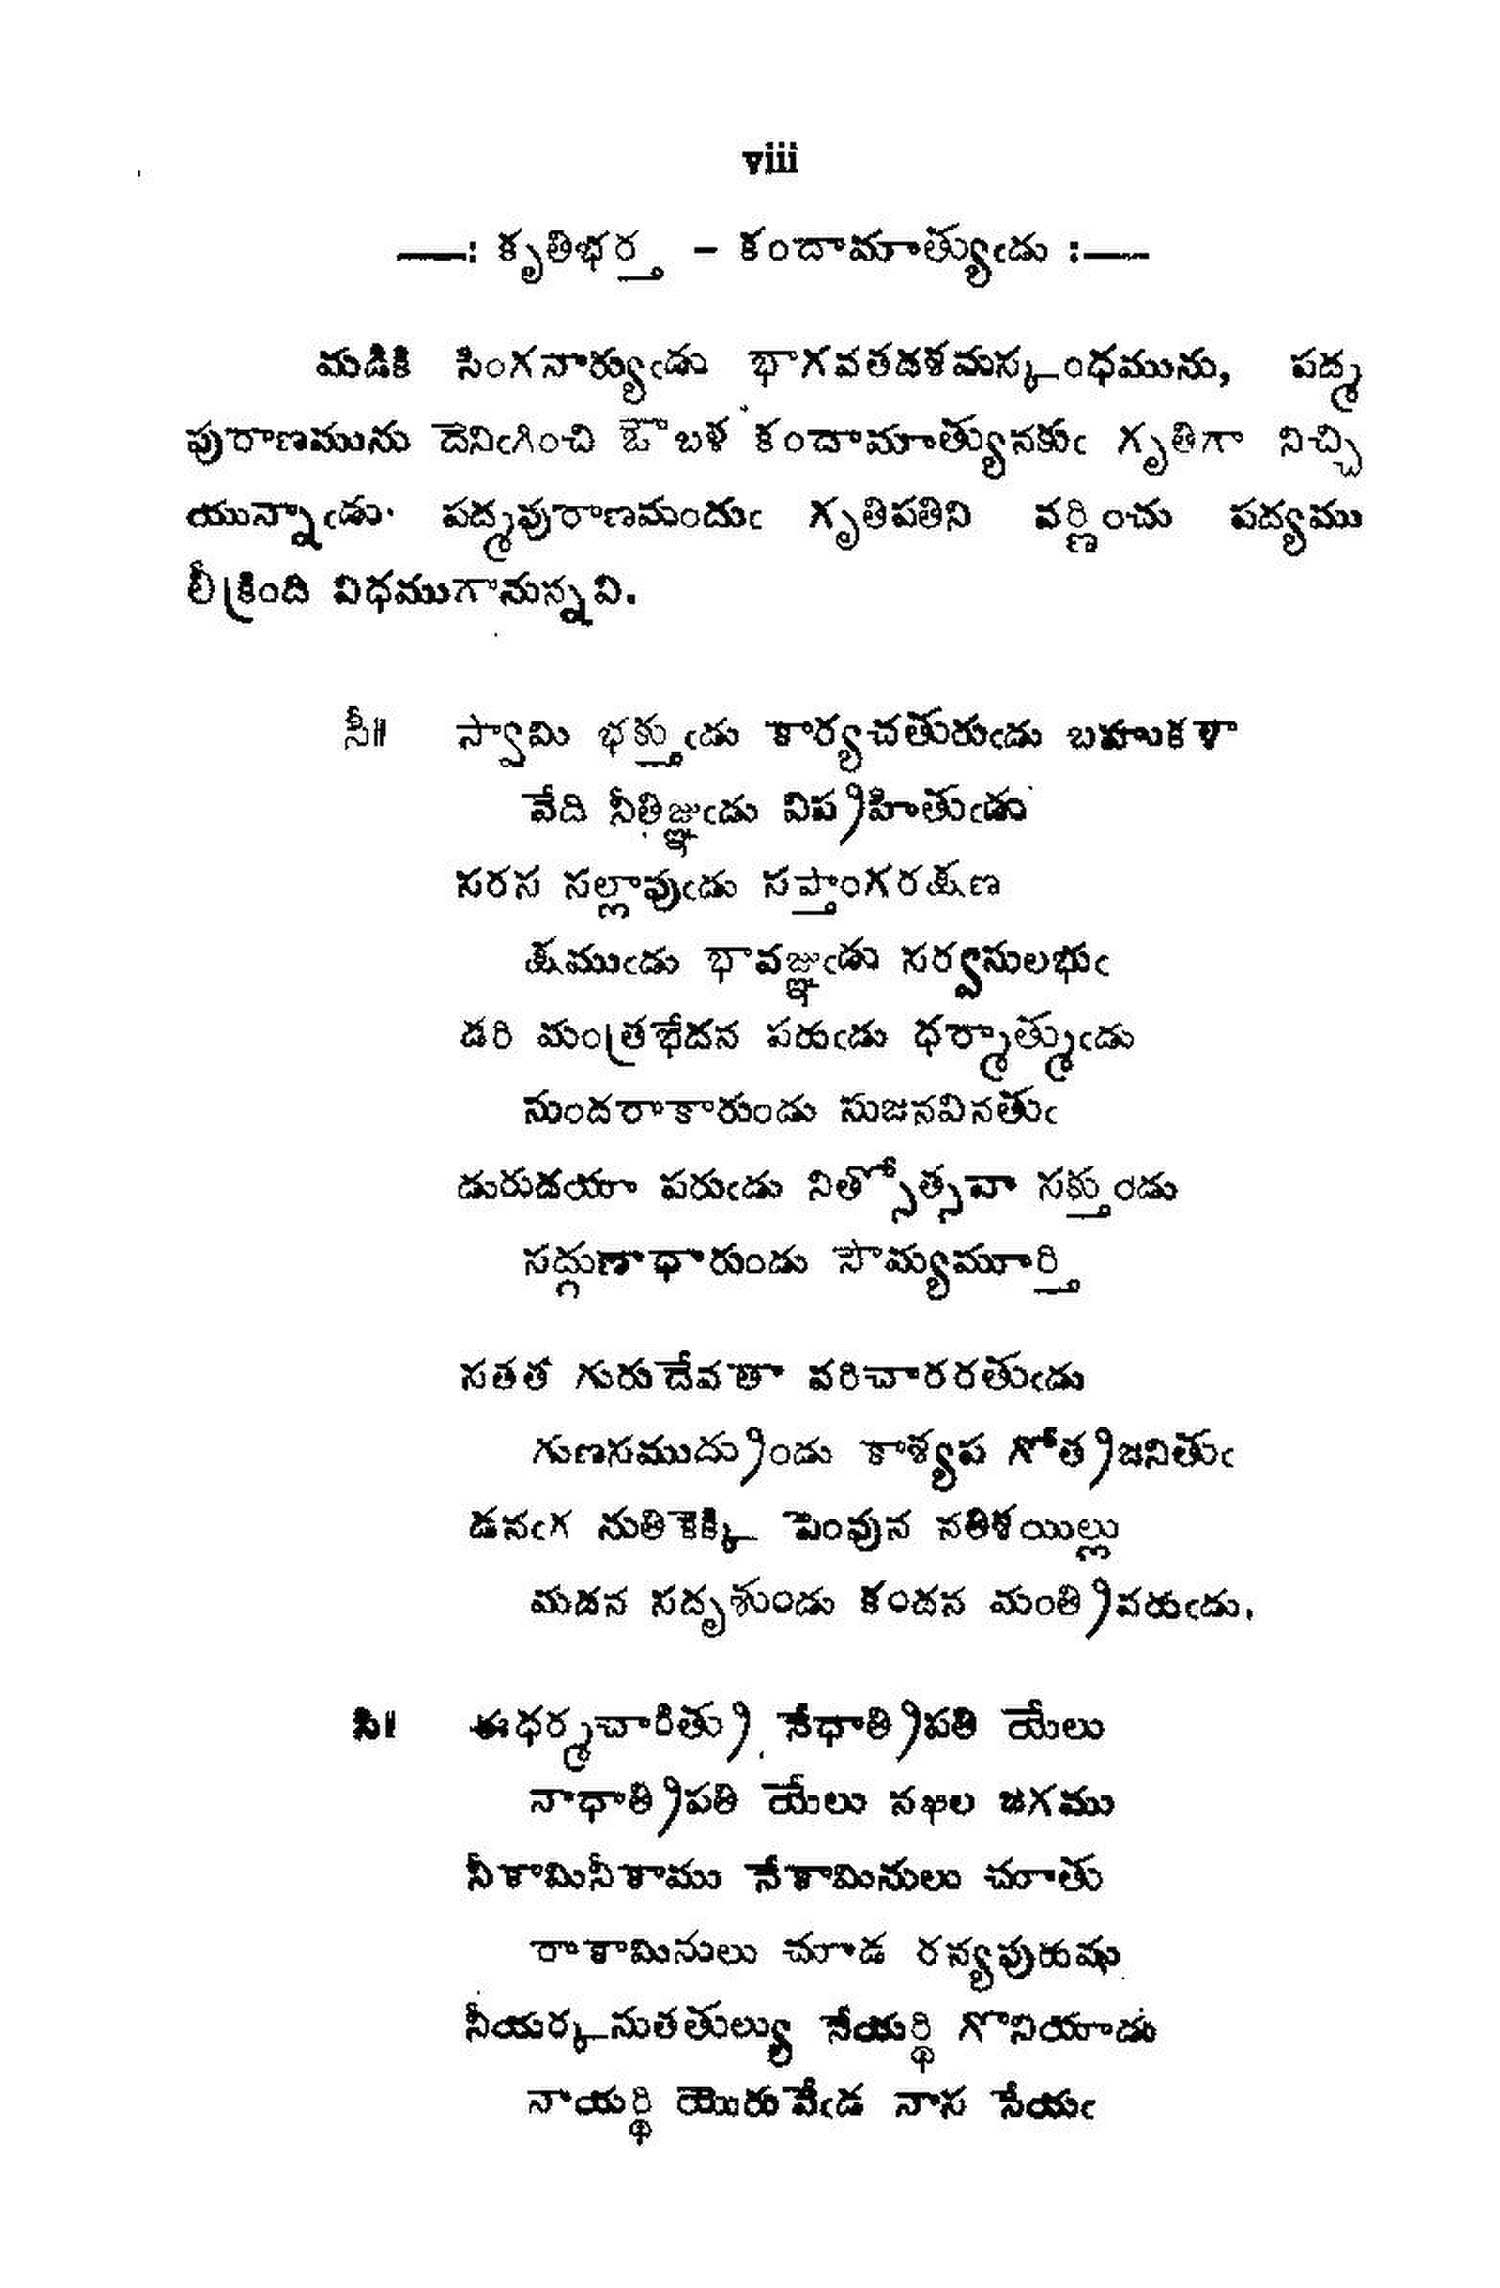కృతిభర్త – కందామాత్యుఁడు

మడికి సింగనార్యుఁడు భాగవతదశమస్కంధమును, పద్మపురాణమును దెనిఁగించి ఔబళ కందామాత్యునకుఁ గృతిగా నిచ్చి యున్నాఁడు. పద్మపురాణమందుఁ గృతిపతిని వర్ణించు పద్యము లీక్రింది విధముగా నున్నవి. 

సీ॥	స్వామి భక్తుఁడు కార్యచతురుఁడు బహుకళా
 వేది నీతిజ్ఞుఁడు విప్రహితుఁడు
సరస సల్లాపుఁడు సప్తాంగరక్షణ
 క్షముఁడు భావజ్ఞుఁడు సర్వసులభుఁ
డరి మంత్రభేదన పరుఁడు ధర్మాత్ముఁడు
 సుందరాకారుఁడు సుజనవినతుఁ
డురుదయాపరుఁడు నిత్యోత్సవాసక్తుండు
 సద్గుణాధారుండు సౌమ్యమూర్తి
సతత గురుదేవతా పరిచారరతుఁడు
గుణసముద్రుండు కాశ్యప గోత్రజనితుఁ
డనఁగ నుతికెక్కి పెంపున నతిశయిల్లు
మదన సదృశుండు కందన మంత్రివరుఁడు.
 
సీ॥ ఈ ధర్మచారిత్రు నేధాత్రిపతి యేలు
 నాధాత్రిపతి యేలు నఖిల జగము
నీకామినీకాము నేకామినులు చూతు
 రాకామినులు చూడ రన్యపురుషు
నీయర్కనుతతుల్యు నేయర్థి గొనియాడు
 నాయర్థి యెరువేఁడ నాస సేయఁ